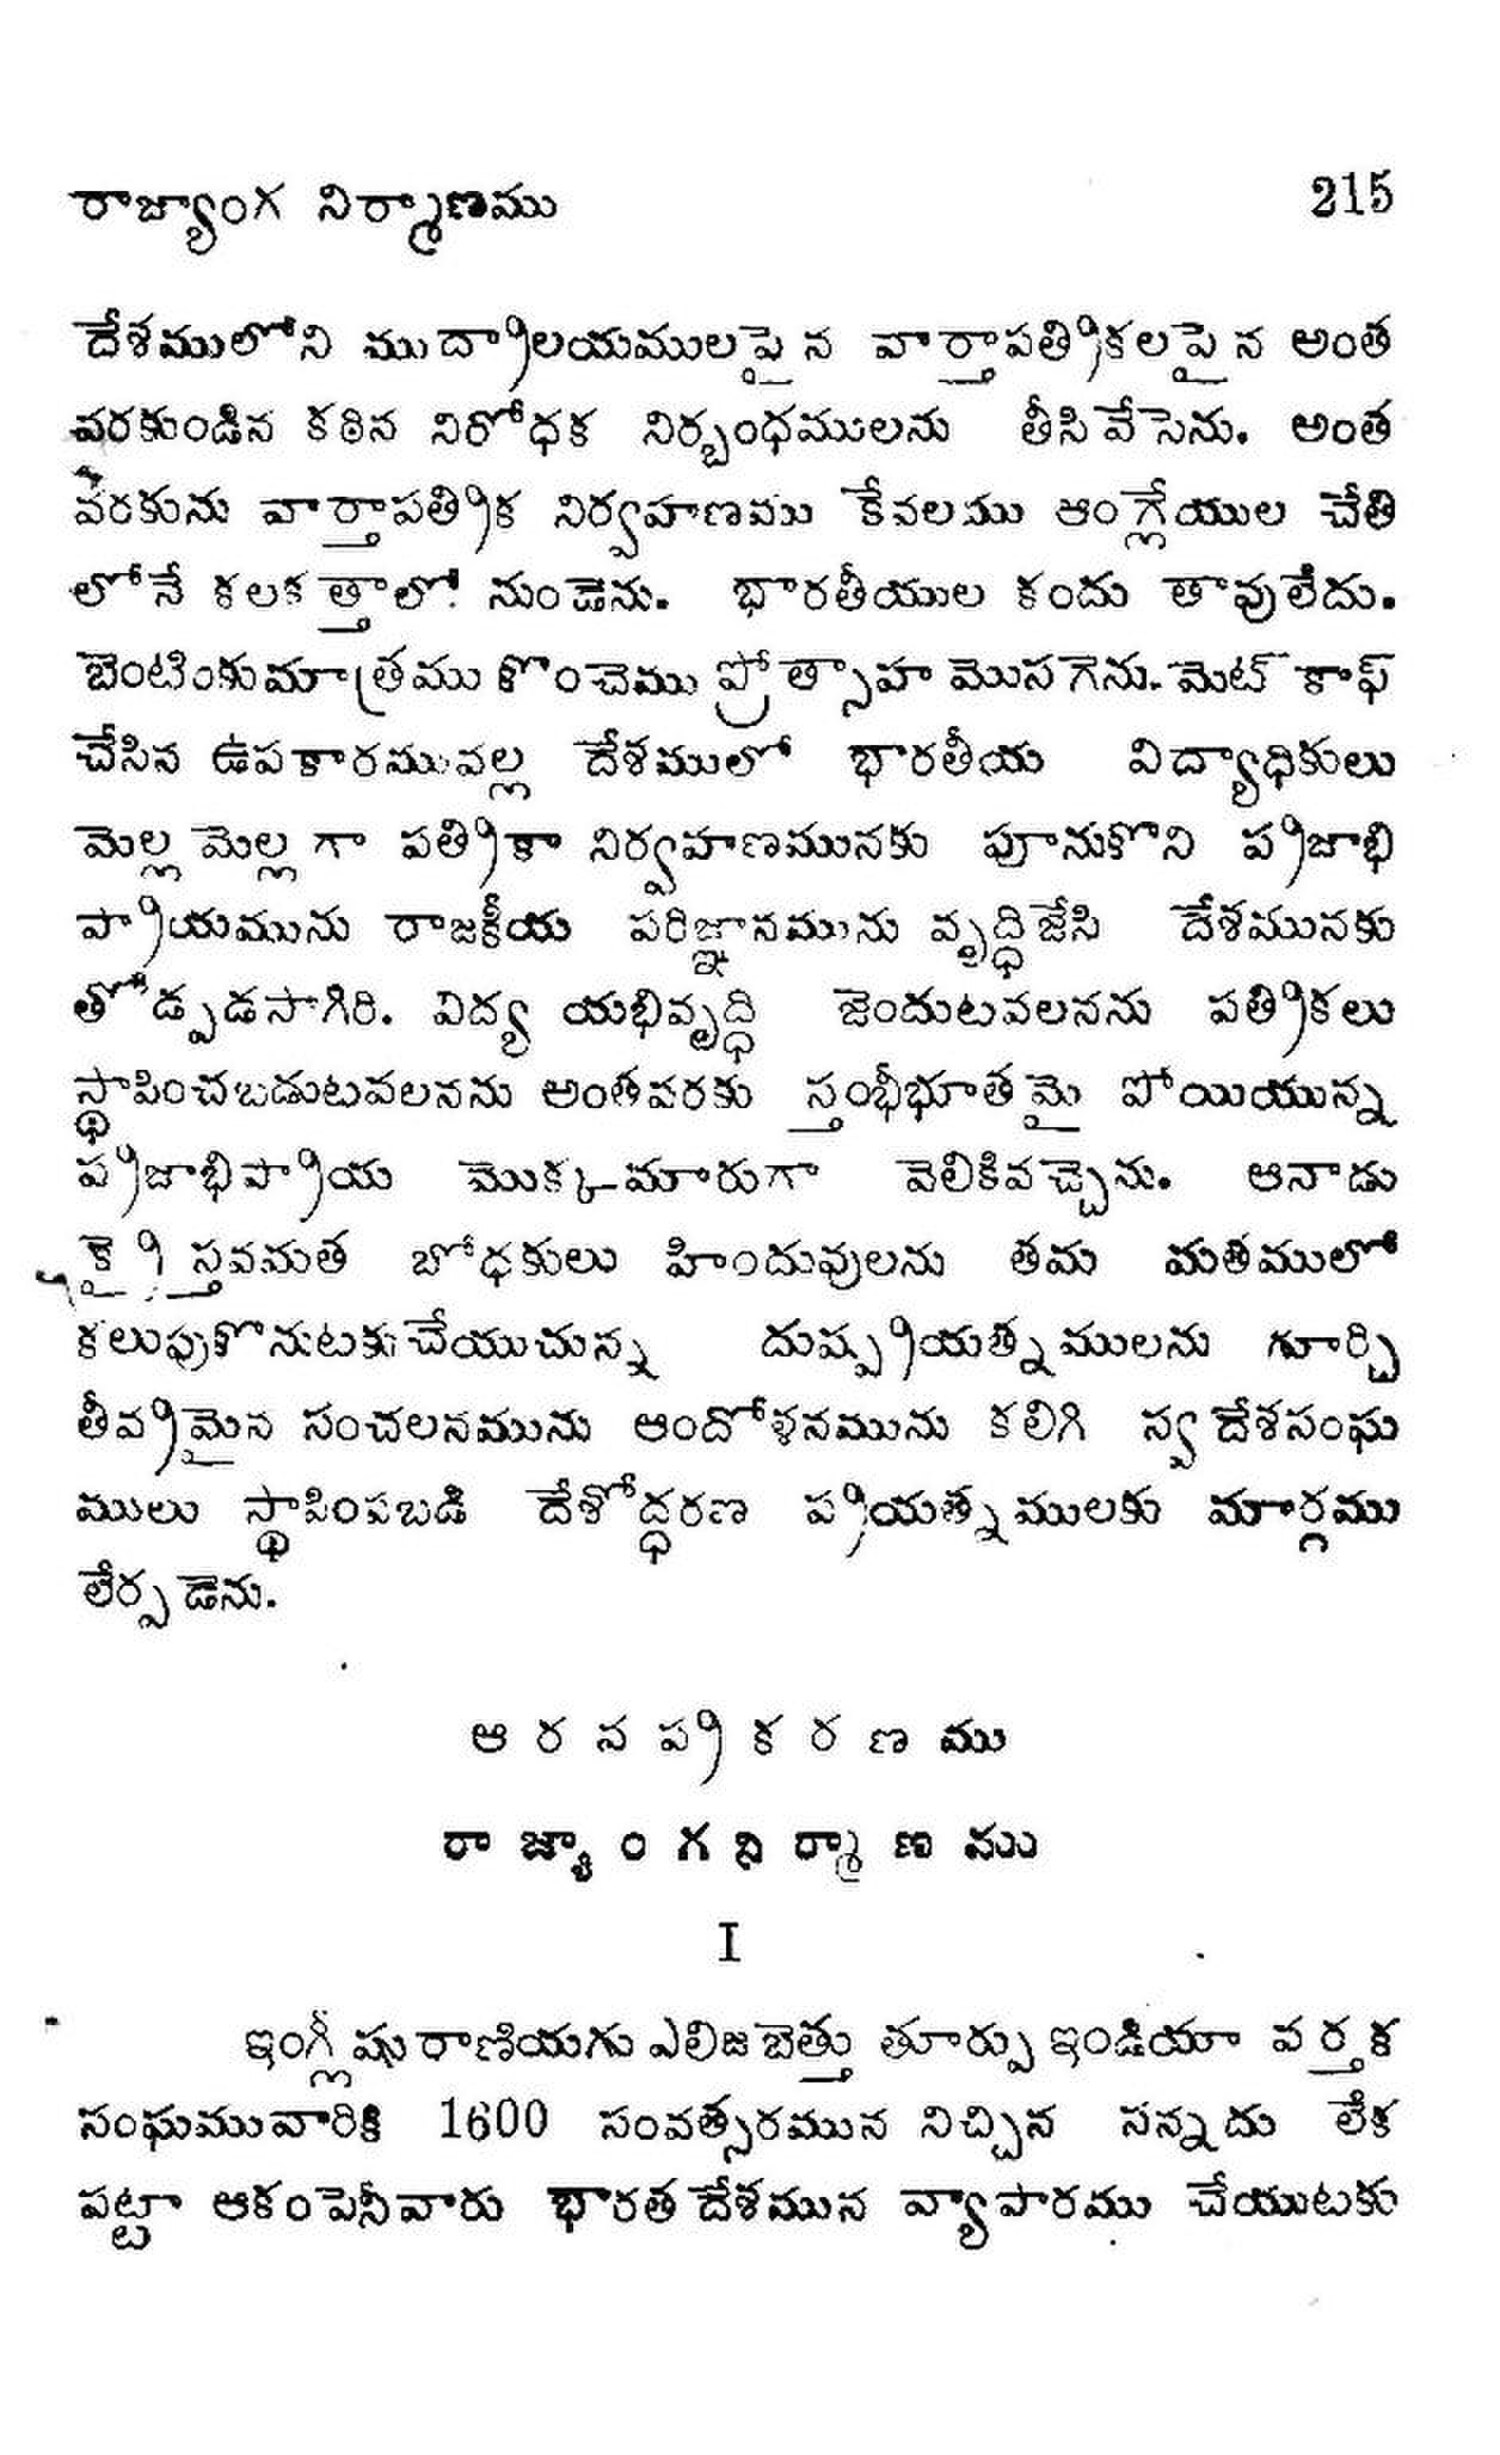దేశములోని ముద్రాలయములపైన వార్తాపత్రికలపైన అంతవరకుండిన కఠిన నిరోధక నిర్బంధములను తీసివేసెను. అంతవరకును వార్తాపత్రిక నిర్వహణము కేవలము ఆంగ్లేయుల చేతిలోనే కలకత్తాలో నుండెను. భారతీయుల కందు తావులేదు. బెంటింకుమాత్రము కొంచెము ప్రోత్సాహ మొసగెను. మెట్ కాఫ్ చేసిన ఉపకారమువల్ల దేశములో భారతీయ విద్యాధికులు మెల్ల మెల్లగా పత్రికా నిర్వహణమునకు పూనుకొని ప్రజాభిప్రాయమును రాజకీయ పరిజ్ఞానమును వృద్ధిజేసి దేశమునకు తోడ్పడసాగిరి. విద్య యభివృద్ధి జెందుటవలనను పత్రికలు స్థాపించబడుటవలనను అంతవరకు స్తంభీభూతమై పోయియున్న ప్రజాభిప్రాయ మొక్కమారుగా వెలికివచ్చెను. ఆనాడు క్రైస్తవమత బోధకులు హిందువులను తమ మతములో కలుపుకొనుటకుచేయుచున్న దుష్ప్రయత్నములను గూర్చి తీవ్రమైన సంచలనమును ఆందోళనమును కలిగి స్వదేశసంఘములు స్థాపింపబడి దేశోద్ధరణ ప్రయత్నములకు మార్గము లేర్పడెను.

ఆరవ ప్రకరణము 
రాజ్యాంగ నిర్మాణము
I

ఇంగ్లీషురాణియగు ఎలిజబెత్తు తూర్పుఇండియా వర్తకసంఘమువారికి 1600 సంవత్సరమున నిచ్చిన సన్నదు లేక పట్టా ఆకంపెనీవారు భారతదేశమున వ్యాపారము చేయుటకు